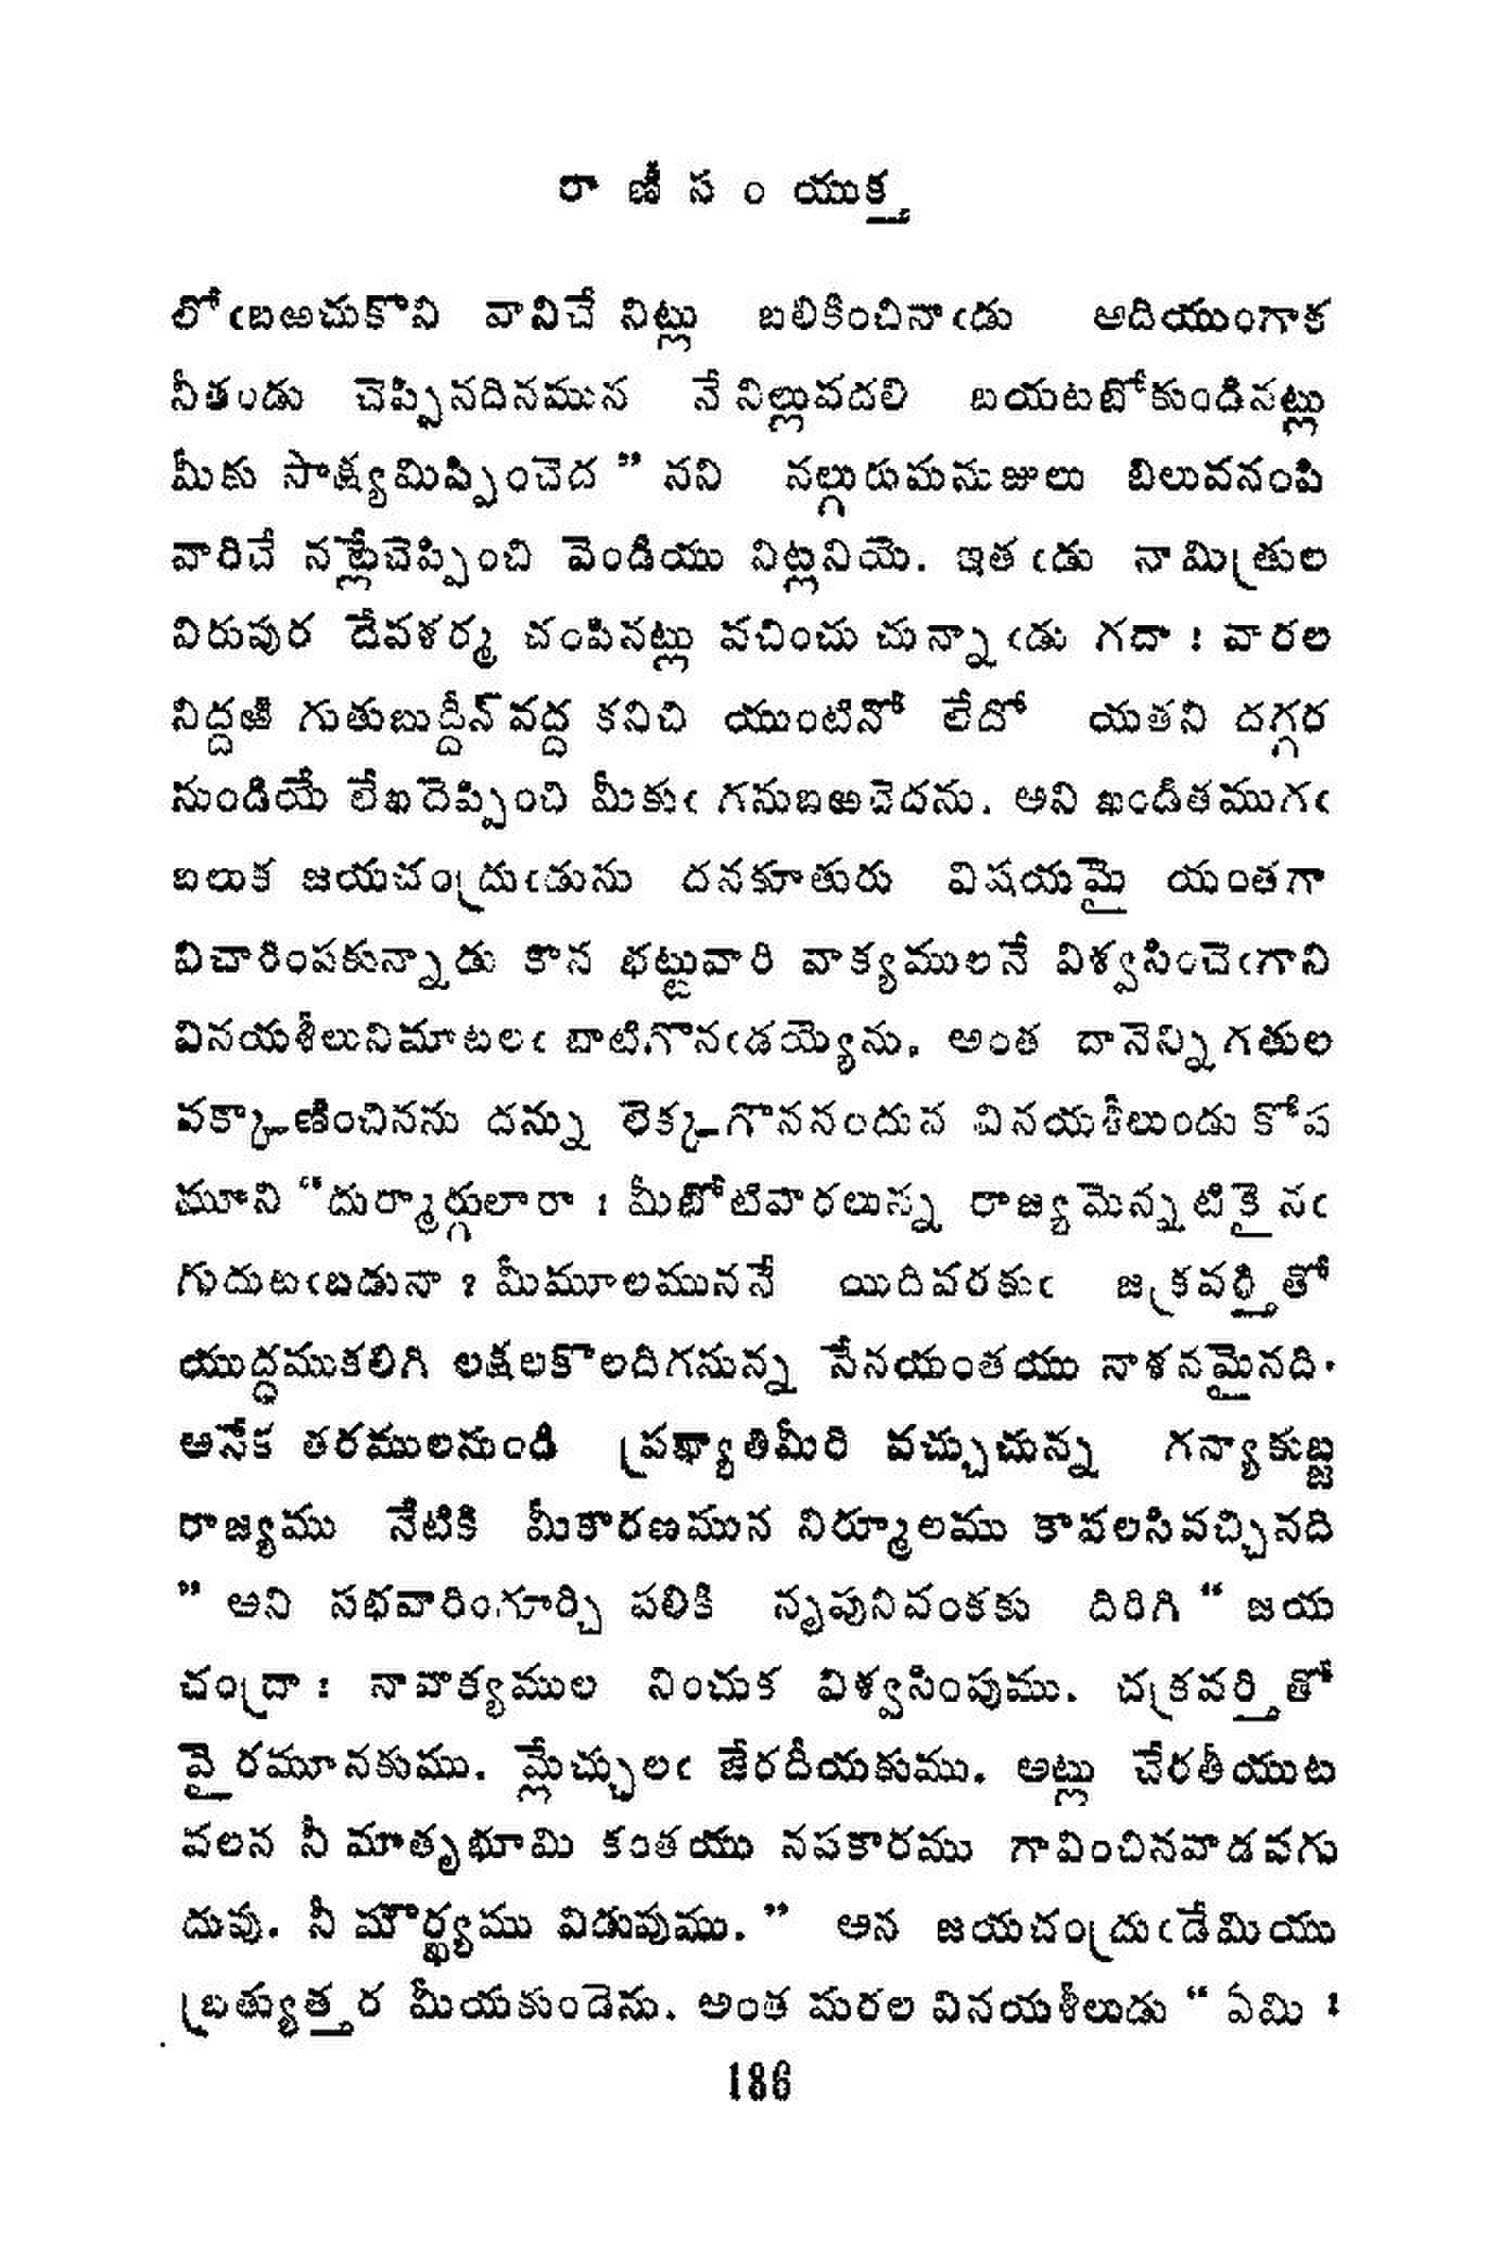లోఁబఱచుకొని వానిచే నిట్లు బలికించినాఁడు అదియుంగాక నీతండు చెప్పినదినమున నేనిల్లువదలి బయటబోకుండినట్లు మీకు సాక్ష్యమిప్పించెద " నని నల్గురుమనుజులు బిలువనంపి వారిచే నట్లేచెప్పించి వెండియు నిట్లనియె. ఇతఁడు నా మిత్రుల విరువుర దేవశర్మ చంపినట్లు వచించు చున్నాఁడు గదా ! వారల నిద్దఱి గుతుబుద్దీన్ వద్ద కనిచి యుంటినో లేదో యతని దగ్గర నుండియే లేఖ దెప్పించి మీకుఁ గనుబఱచెదను. అని ఖండితముగఁ పలుక జయచంద్రుఁడును దనకూతురు విషయమై యంతగా విచారింపకున్నాడు. కాన భట్టువారి వాక్యములనే విశ్వసించెఁగాని వినయశీలునిమాటలఁ బాటిగొనఁడయ్యెను. అంత దానెన్నిగతుల వక్కాణించినను దన్ను లెక్కగొననందున వినయశీలుండు కోపమూని “దుర్మార్గులారా ! మీబోటివారలున్న రాజ్యమెన్నటికైన గుదుటఁబడునా? మీమూలముననే యిదివరకుఁ జక్రవర్తితో యుద్ధముకలిగి లక్షలకొలదిగనున్న సేనయంతయు నాశనమైనది . అనేక తరములనుండి ప్రఖ్యాతిమీరి వచ్చుచున్న గన్యాకుబ్జరాజ్యము నేటికి మీకారణమున నిర్మూలము కావలసివచ్చినది " అని సభవారింగూర్చి పలికి నృపునివంకకు దిరిగి " జయచంద్రా ! నావాక్యముల నించుక విశ్వసింపుము. చక్రవర్తితో వైరమూనకము. మ్లేచ్చులఁ జేరదీయకుము. అట్లు చేరతీయుట వలన నీ మాతృభూమి కంతయు నపకారము గావించినవాడవగుదువు. నీ మౌర్ఖ్యము విడువుము. " అన జయచంద్రుఁడేమియు బ్రత్యుత్తర మీయకుండెను. అంత మరల వినయశీలుడు " ఏమి !